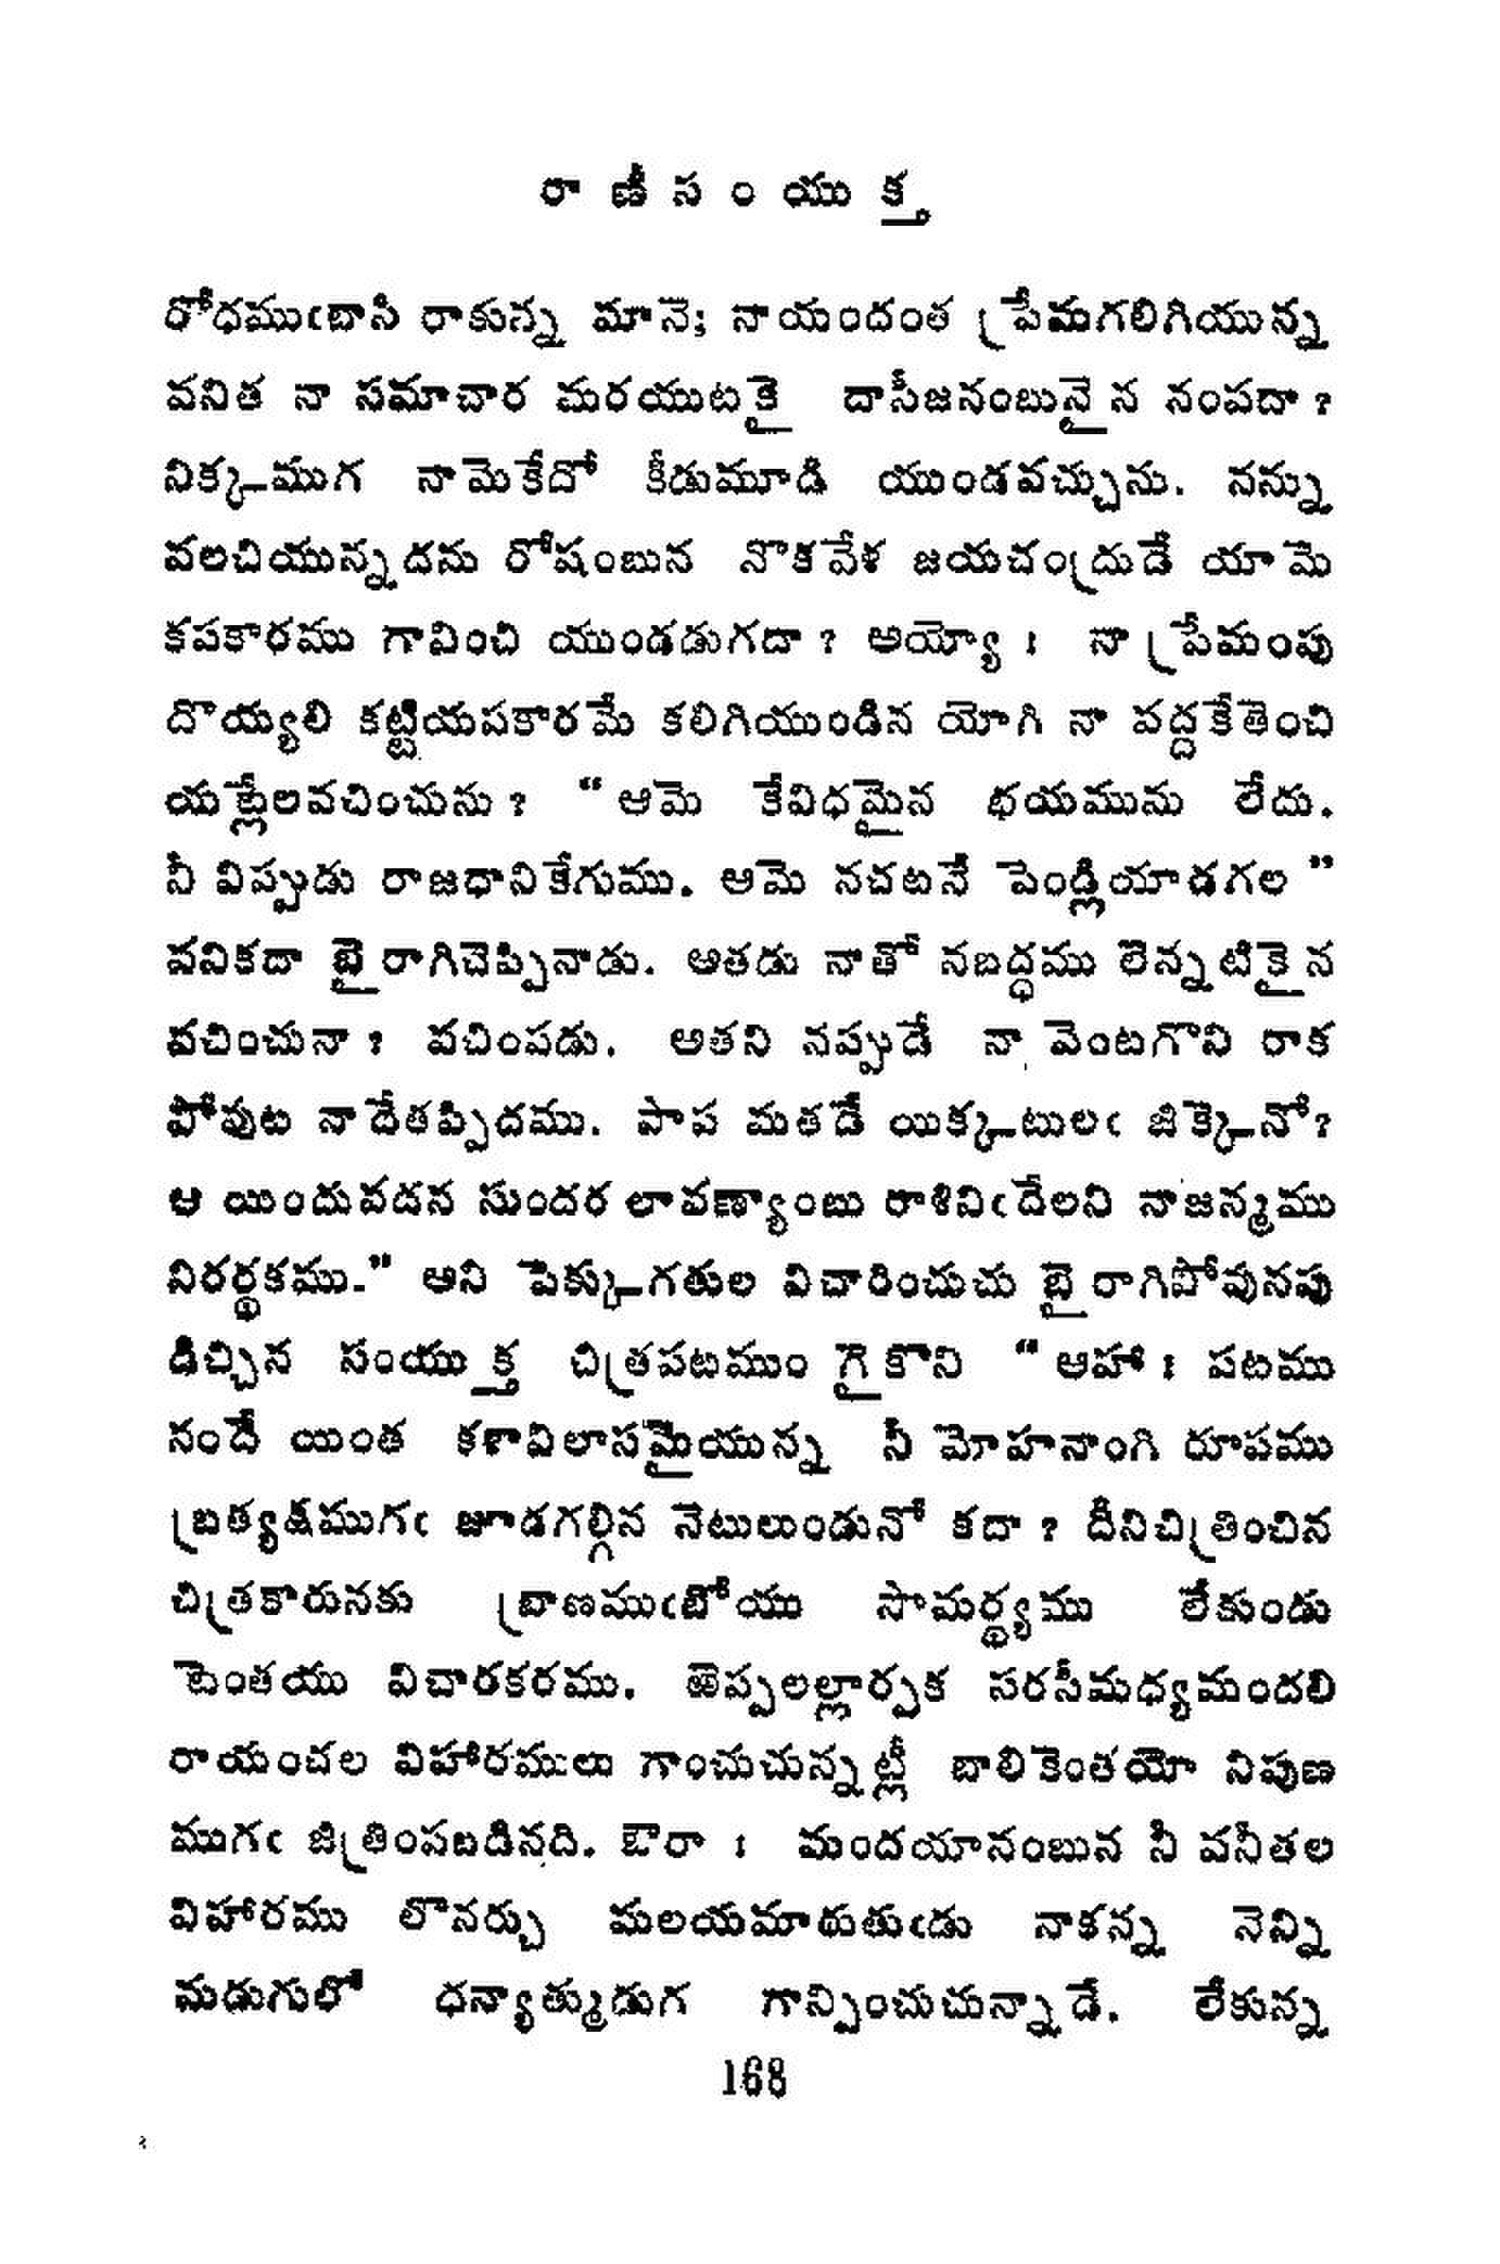రోధముఁబాసి రాకున్న మానె; నాయందంత ప్రేమగలిగియున్న వనిత నా సమాచార మరయుటకై దాసీజనంబునైన నంపదా? నిక్కముగ నామెకేదో కీడుమూడి యుండవచ్చును. నన్ను వలచియున్నదను రోషంబున నొకవేళ జయచంద్రుడే యామే కపకారము గావించి యుండడుగదా? అయ్యో! నా ప్రేమంపు దొయ్యలి కట్టియపకారమే కలిగియుండిన యోగి నా వద్దకేతెంచి యట్లేలవచించును? " ఆమె కేవిధమైన భయమును లేదు. నీ విప్పుడు రాజధానికేగుము. ఆమె నచటనే పెండ్లియాడగల " వవికదా బైరాగిచెప్పినాడు. అతడు నాతో నబద్ధము లెన్నటికైన వచించునా? వచింపడు. అతని నప్పుడే నా వెంటగొని రాక పోవుట నాదేతప్పిదము. పాప మతడే యిక్కటులఁ జిక్కెనో? ఆ యిందువదన సుందర లావణ్యాంబు రాశినిఁ దేలని నాజన్మము నిరర్ధకము." అని పెక్కు గతుల విచారించుచు బైరాగిపోవునపు డిచ్చిన సంయుక్త చిత్రపటముం గైకొని " ఆహా ! పటము నందే యింత కళావిలాసమైయున్న నీ మోహనాంగి రూపము బ్రత్యక్షముగఁ జూడగల్గిన నెటులుండునో కదా? దీని చిత్రించిన చిత్రకారునకు బ్రాణముఁబోయు సామర్థ్యము లేకుండు టెంతయు విచారకరము. ఱెప్పలల్లార్పక సరసీమధ్యమందలి రాయంచల విహారములు గాంచుచున్నట్లీ బాలికెంతయో నిపుణముగఁ జిత్రింపబడినది. ఔరా ! మందయానంబున నీ వనీతల విహారము లొనర్చు మలయమారుతుఁడు నాకన్న నెన్ని మడుగులో ధన్యాత్ముడుగ గాన్పించుచున్నాడే. లేకున్న